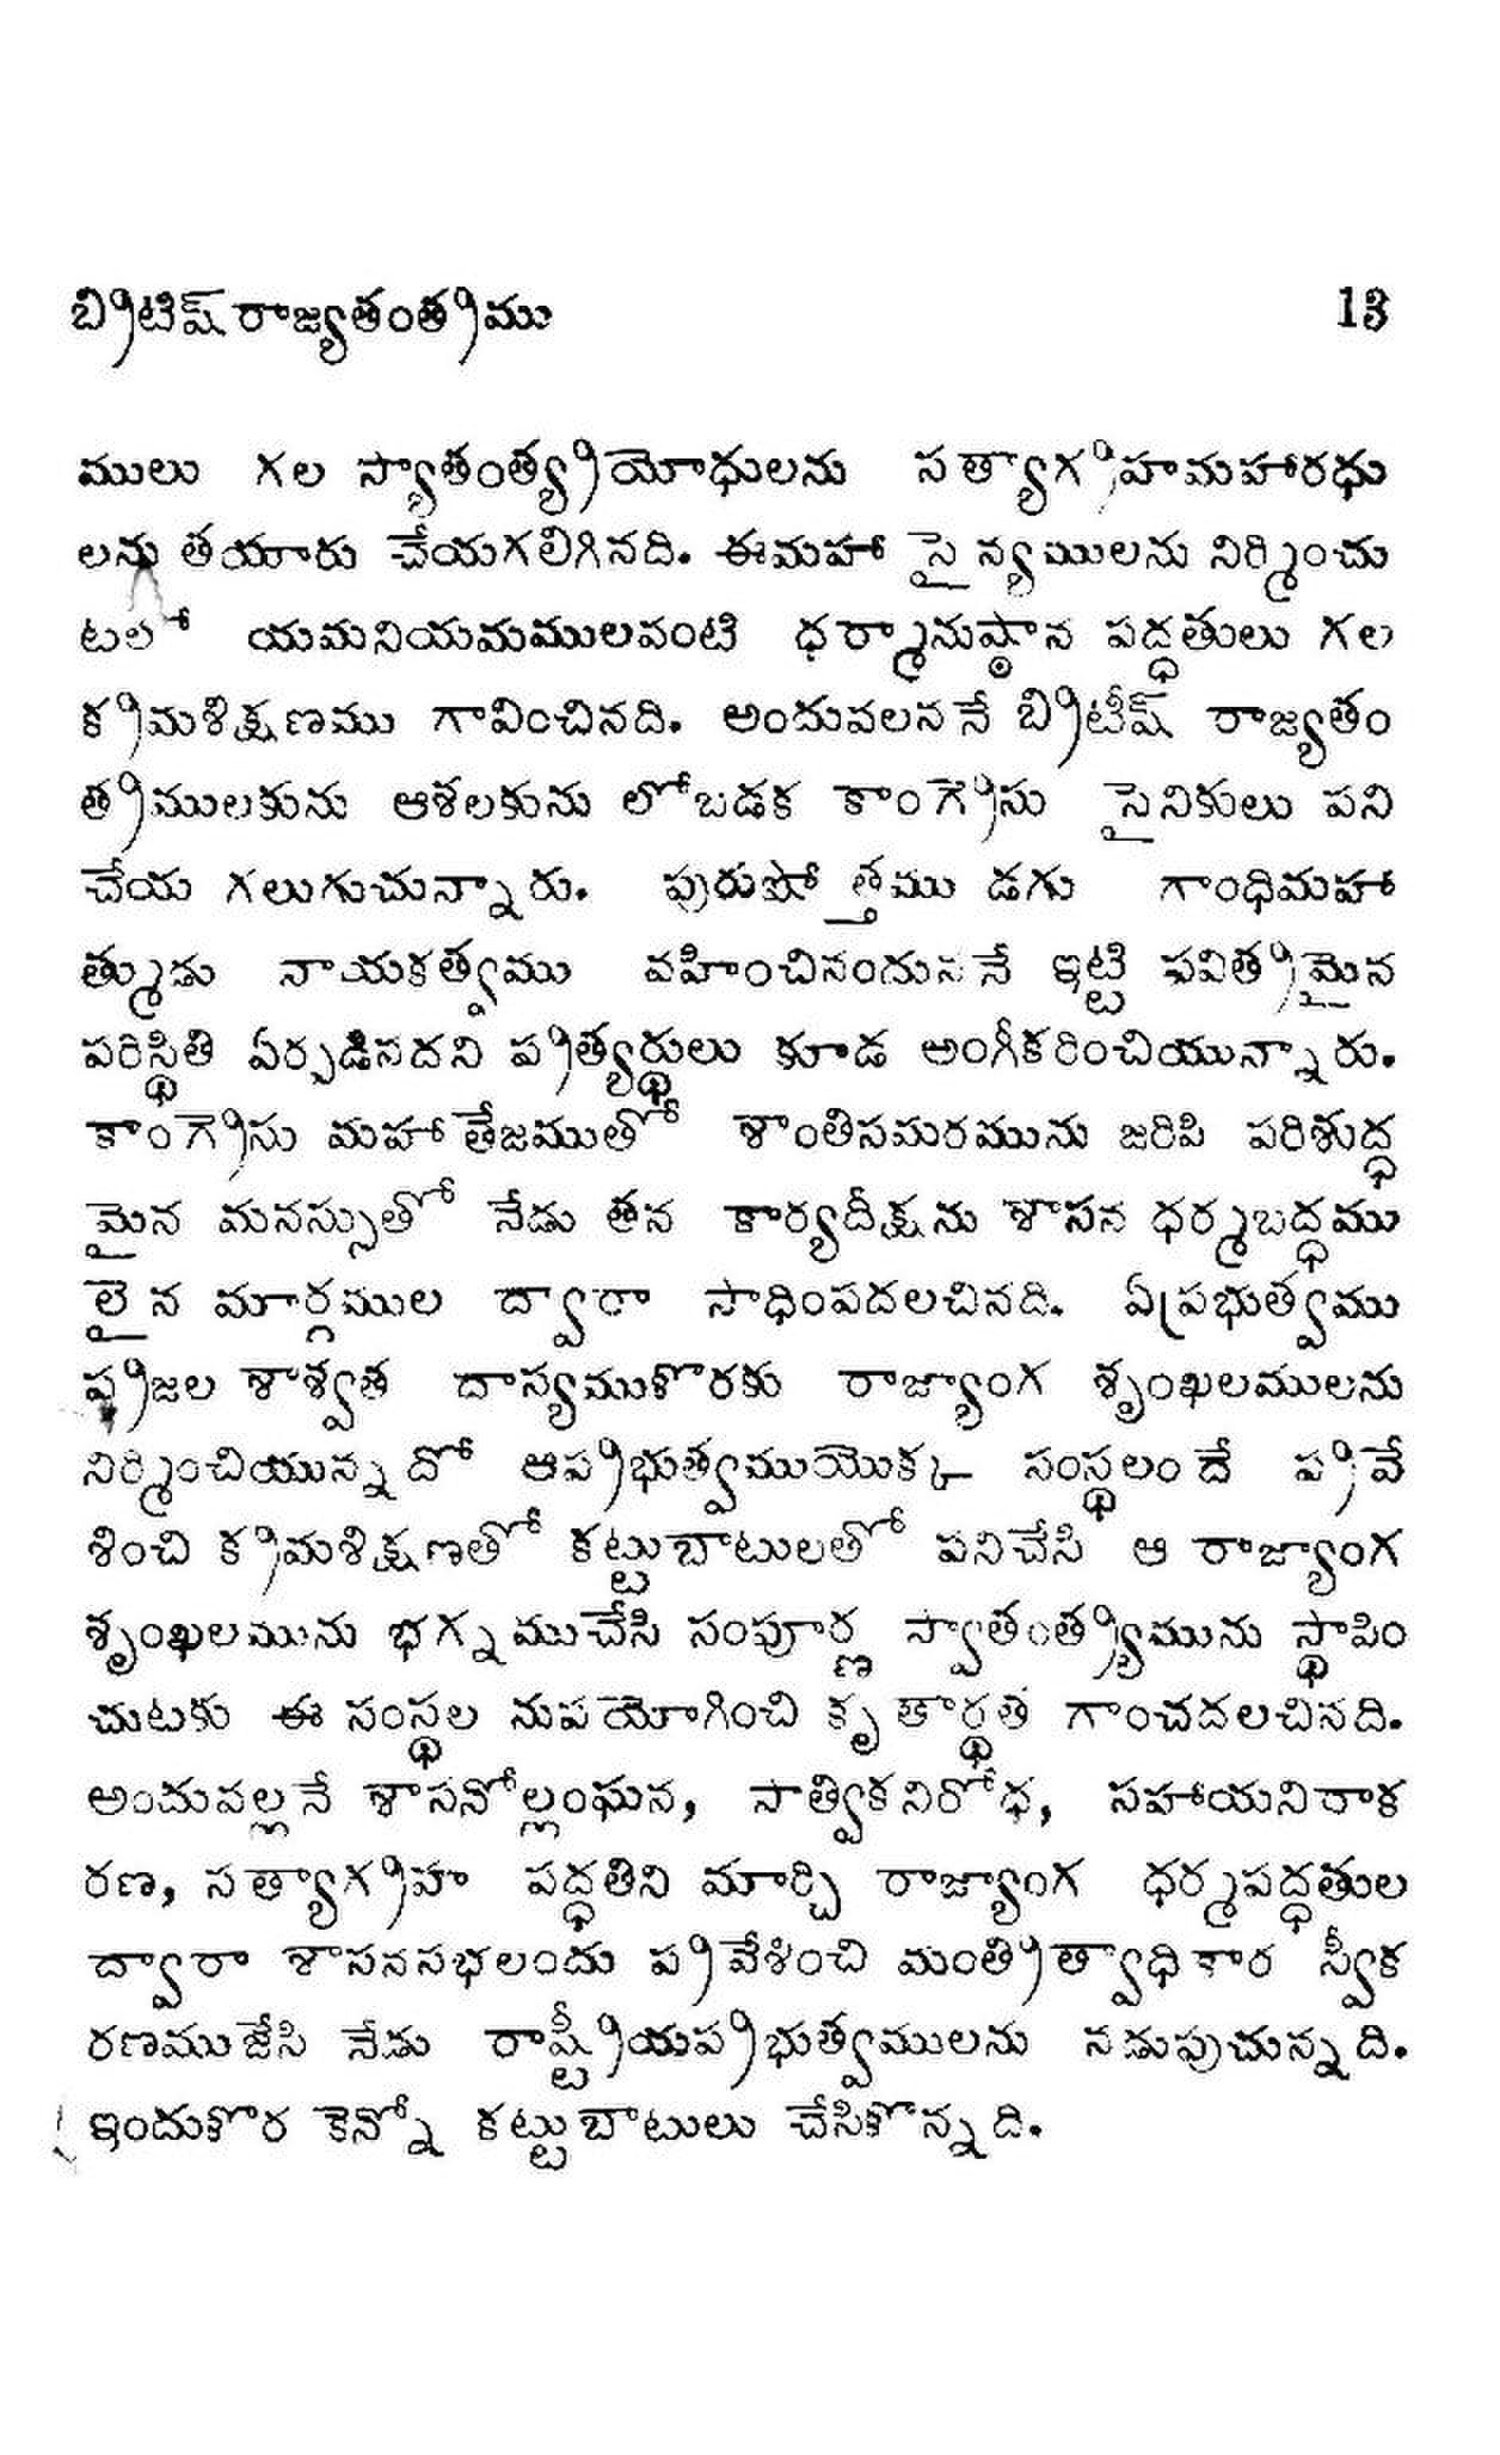ములు గల స్వాతంత్య్రయోధులను సత్యాగ్రహమహారధులను తయారు చేయగలిగినది. ఈమహా సైన్యములను నిర్మించుటలో యమనియమములవంటి ధర్మానుష్ఠాన పద్దతులు గల క్రమశిక్షణము గావించినది. అందువలననే బ్రిటీష్ రాజ్యతంత్రములకును ఆశలకును లోబడక కాంగ్రెసు సైనికులు పనిచేయ గలుగుచున్నారు. పురుషోత్తము డగు గాంధిమహాత్ముడు నాయకత్వము వహించినందుననే ఇట్టి పవిత్రమైన పరిస్థితి ఏర్పడినదని ప్రత్యర్థులు కూడ అంగీకరించియున్నారు. కాంగ్రెసు మహాతేజముతో శాంతిసమరమును జరిపి పరిశుద్ధమైన మనస్సుతో నేడు తన కార్యదీక్షను శాసన ధర్మబద్ధములైన మార్గముల ద్వారా సాధింపదలచినది. ఏప్రభుత్వము ప్రజల శాశ్వత దాస్యముకొరకు రాజ్యాంగ శృంఖలములను నిర్మించియున్నదో ఆప్రభుత్వముయొక్క సంస్థలందే ప్రవేశించి క్రమశిక్షణతో కట్టుబాటులతో పనిచేసి ఆ రాజ్యాంగ శృంఖలమును భగ్నముచేసి సంపూర్ణ స్వాతంత్ర్యమును స్థాపించుటకు ఈ సంస్థల నుపయోగించి కృతార్థత గాంచదలచినది. అందువల్లనే శాసనోల్లంఘన, సాత్వికనిరోధ, సహాయనిరాకరణ, సత్యాగ్రహ పద్ధతిని మార్చి రాజ్యాంగ ధర్మపద్ధతుల ద్వారా శాసనసభలందు ప్రవేశించి మంత్రిత్వాధికార స్వీకరణముజేసి నేడు రాష్ట్రీయ ప్రభుత్వములను నడుపుచున్న ది. ఇందుకొర కెన్నో కట్టుబాటులు చేసికొన్నది.